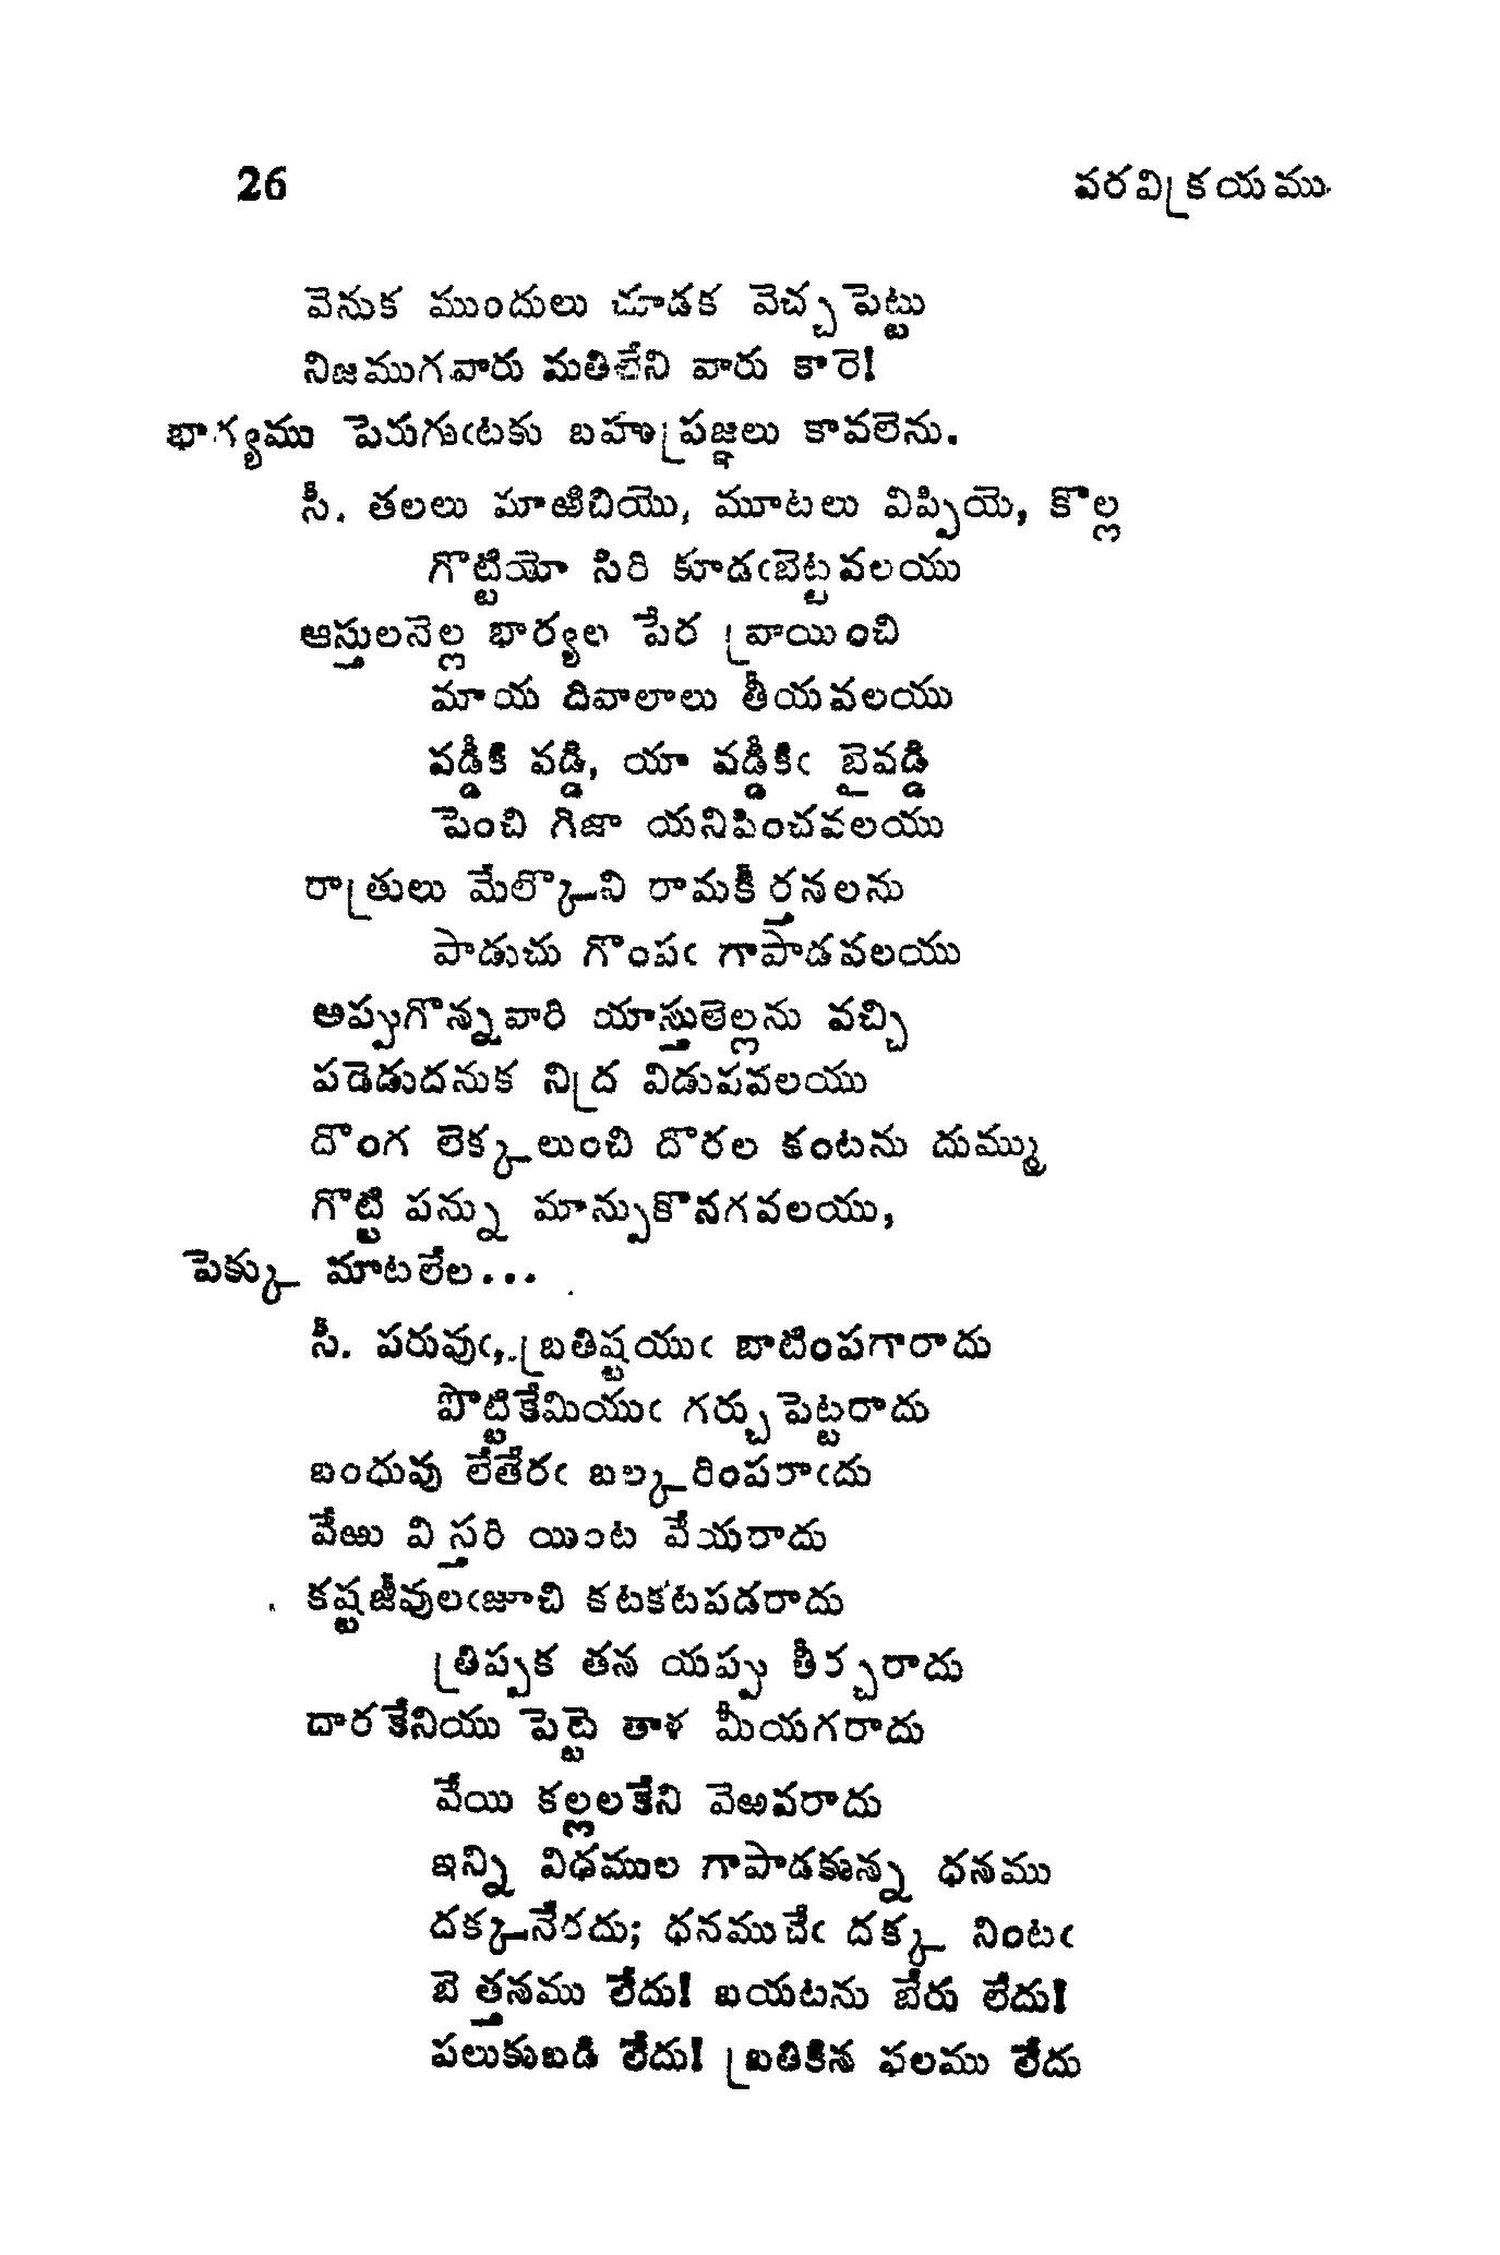వెనుక ముందులు చూడక వెచ్చపెట్టు
నిజముగవారు మతిలేని వారు కారె!

భాగ్యము పెరుగుఁటకు బహుప్రజ్ఞలు కావలెను.

సీ. తలలు మాఱిచియొ, మూటలు విప్పియె, కొల్ల
 గొట్టియో సిరి కూడఁబెట్టవలయు
 ఆస్తులనెల్ల భార్యల పేర వ్రాయించి
 మాయ దివాలాలు -తీయవలయు
 వడ్డికి వడ్డి, యా వడ్డికిఁ బైవడ్డి
 పెంచి గిజా యనిపించవలయు
 రాత్రులు మేల్కొని రామకీర్తనలను
 పాడుచుఁ గొంపఁ గాపాడవలయు

 అప్పుగొన్నవారి యాస్తులెల్లను వచ్చి
 పడెడుదనుక నిద్ర విడువవలయు,
 దొంగ లెక్కలుంచి దొరల కంటను దుమ్ము
 గొట్టి పన్ను మాన్పుకొనగవలయు.

పెక్కు మాటలేల...

సీ. పరువుఁ, బ్రతిష్ఠయుఁ బాటింపఁగారాదు
 పొట్టకేమియుఁ గర్చు పెట్టరాదు
 బంధువు లేతేరఁ బల్కరింపరాఁదు
 వేఱు విస్తరి యింట వేయరాదు
 కష్టజీవులఁజూచి -కటకటపడరాదు
 త్రిప్పక తన యప్పు తీర్పరాదు
 దార కేనియు పెట్టె తాళ మీయగరాదు
 వేయి కల్లలకేని వెఱవరాదు

 ఇన్ని విధముల గాపాడకున్న ధనము
 దక్కనేరదు; ధనముచేఁ దక్క నింటఁ
 బెత్తనము లేదు! బయటను బేరు లేదు!
 పలుకుబడి లేదు! బ్రతికిన ఫలము లేదు